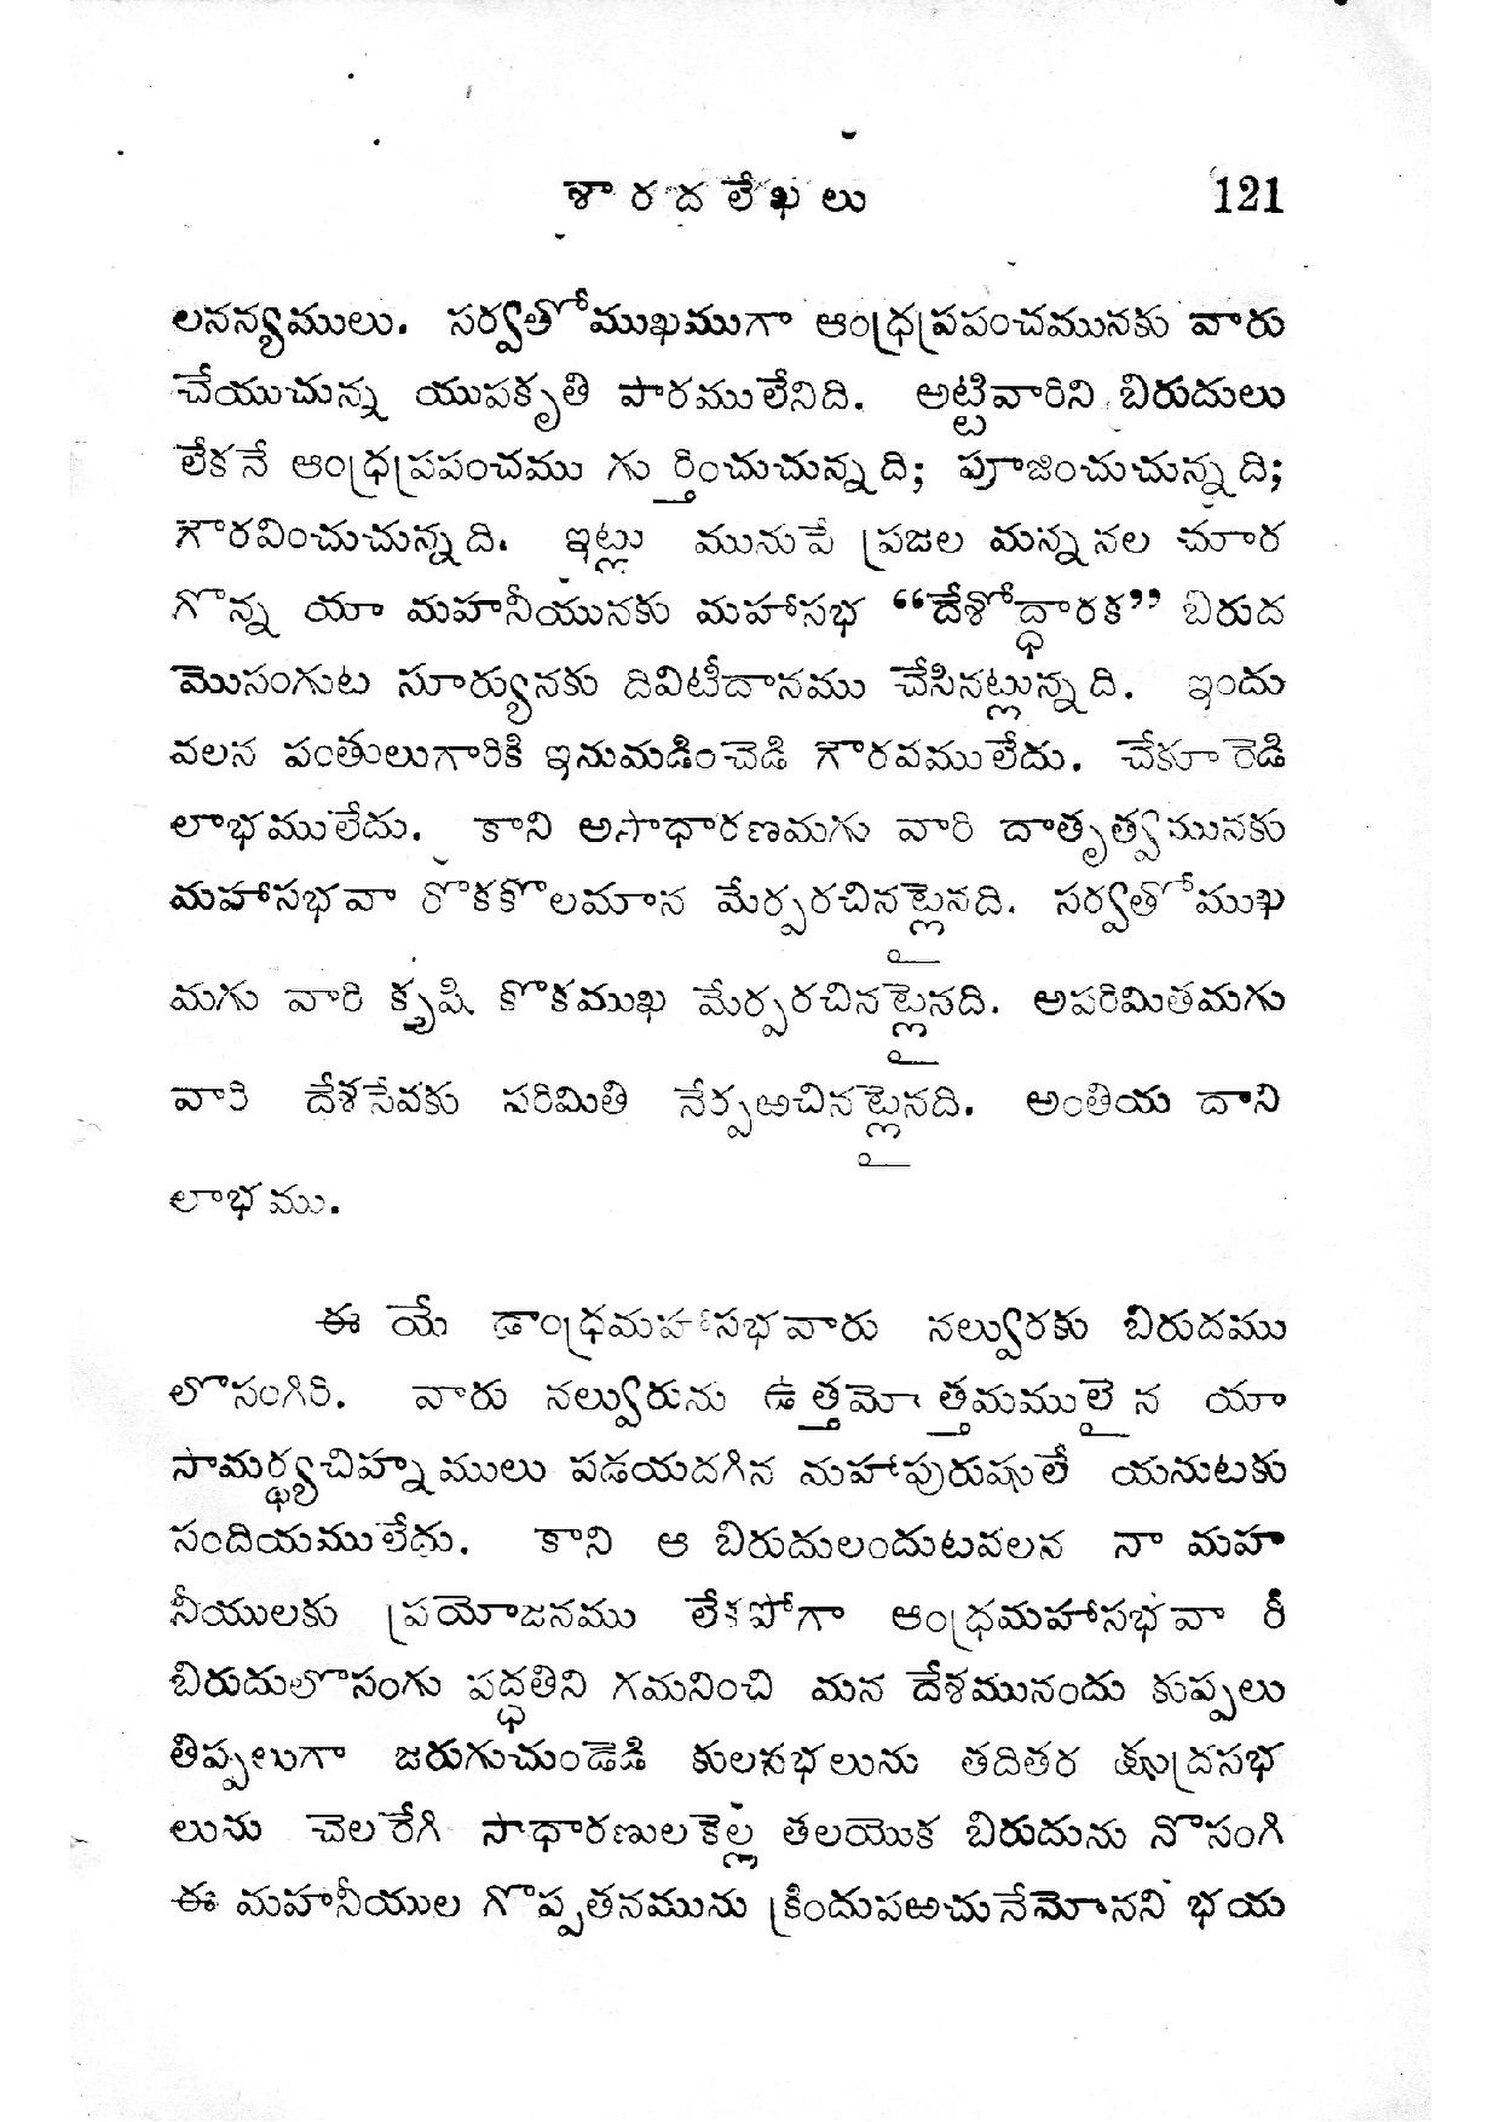లనన్యములు. సర్వతోముఖముగా ఆంధ్రప్రపంచమునకు వారు చేయుచున్న యుపకృతి పారములేనిది. అట్టివారిని బిరుదులు లేకనే ఆంధ్రప్రపంచము గుర్తించుచున్నది; పూజించుచున్నది; గౌరవించుచున్నది. ఇట్లు మునుపే ప్రజల మన్ననల చూరగొన్న యా మహనీయునకు మహాసభ “దేశోద్ధారక” బిరుద
మొసంగుట సూర్యునకు దివిటీదానము చేసినట్లున్నది. ఇందువలన పంతులుగారికి ఇనుమడించెడి గౌరవములేదు. చేకూరెడి లాభములేదు. కాని అసాధారణమగు వారి దాతృత్వమునకు మహాసభవా రొకకొలమాన మేర్పరచినట్లైనది. సర్వతోముఖమగు వారి కృషి కొకముఖ మేర్పరచినట్లైనది. అపరిమితమగు
వారి దేశసేవకు పరిమితి నేర్పఱచినట్లైనది. అంతియ దాని లాభము.

ఈ యే డాంధ్రమహాసభవారు నల్వురకు బిరుదము లొసంగిరి. వారు నల్వురును ఉత్తమోత్తమములైన యా
సామర్థ్యచిహ్నములు పడయదగిన మహాపురుషులే యనుటకు సందియములేదు. కాని ఆ బిరుదులందుటవలన నా మహనీయులకు ప్రయోజనము లేకపోగా ఆంధ్రమహాసభవా రీ బిరుదులొసంగు పద్ధతిని గమనించి మన దేశమునందు కుప్పలు తిప్పలుగా జరుగుచుండెడి కులసభలును తదితర క్షుద్రసభలును చెలరేగి సాధారణులకెల్ల తలయొక బిరుదును నొసంగి ఈ మహనీయుల గొప్పతనమును క్రిందుపఱచునేమోనని భయ